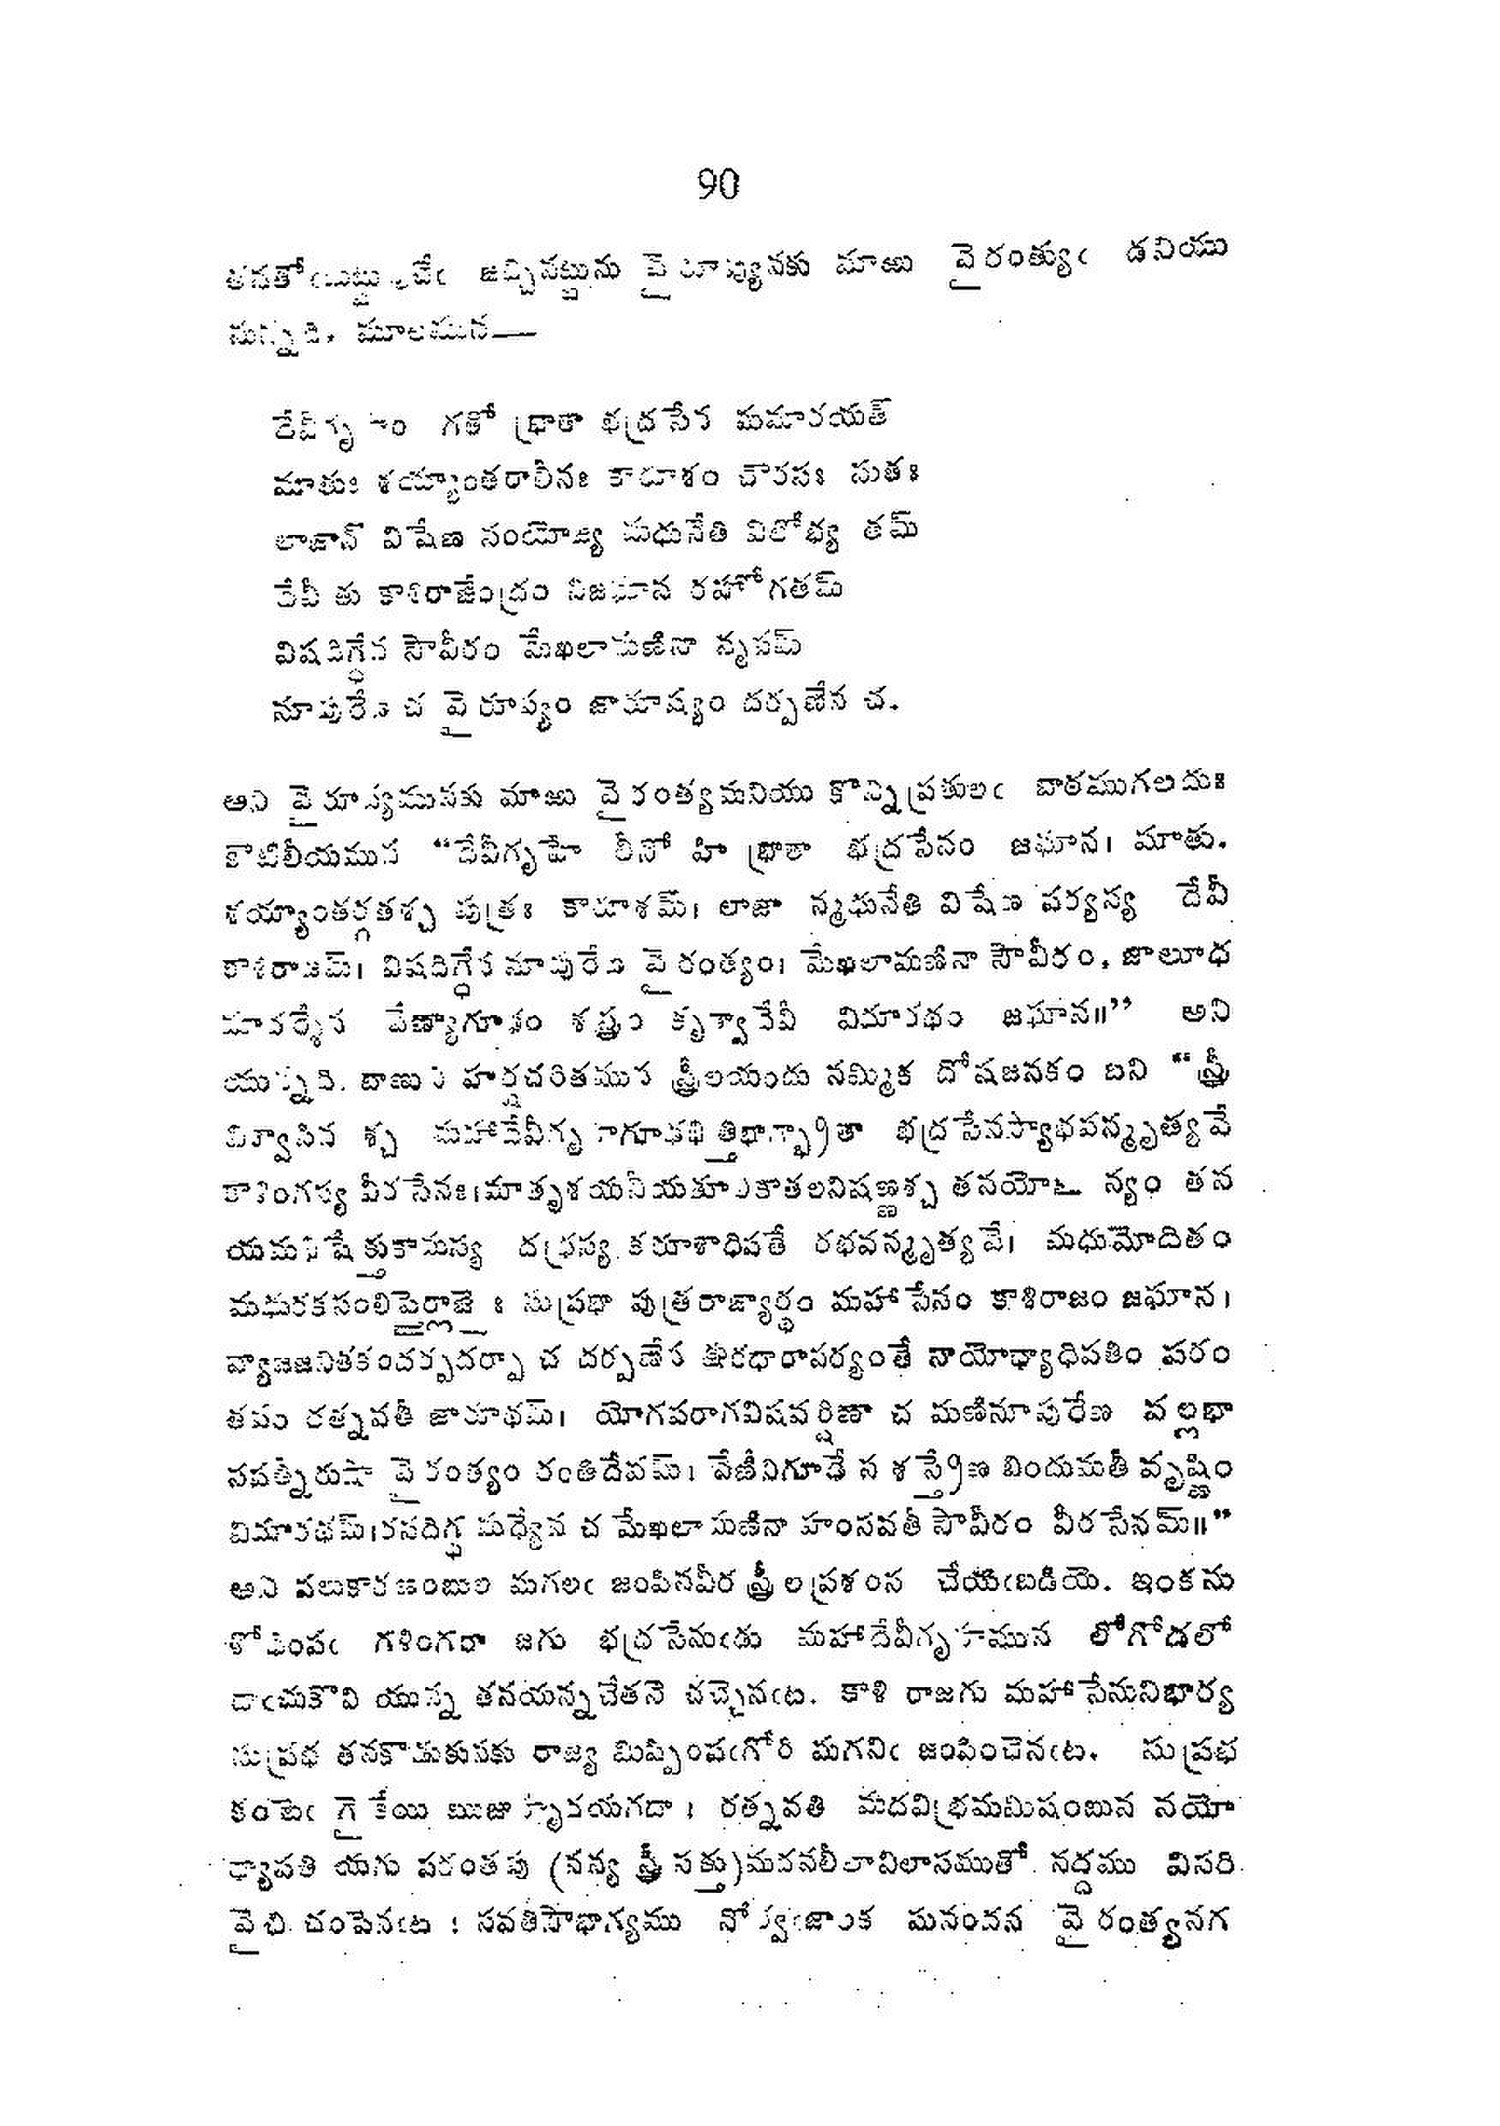తనతోఁబుట్టుచేఁ జచ్చినట్టును వైరూప్యునకు మాఱు వైరంత్యుఁ డనియు నున్నది. మూలమున—

అని వైరూప్యమునకు మాఱు వైరంత్యమనియు కొన్ని ప్రతులఁ బాఠము గలదు. కౌటిలీయమున "దేవీగృహే లీనో హి భ్రాతా భద్రసేనం జఘాన। మాతు శయ్యాంతర్గతశ్చ పుత్రః కారూశమ్। లాజా న్మధునేతి విషేణ పర్యస్య దేవీ కాశిరాజమ్। విషదిగ్ధేన నూపురేణ వైరంత్యం। మేఖలామణినా సౌవీరం, జాలూధమాదర్శేన వేణ్యాగూఢం శస్త్రం కృత్వాదేవీ విదూరథం జఘాన॥”
అని యున్నది. బాణుని హర్షచరితమున స్త్రీలయందు నమ్మిక దోషజనకం బని "స్త్రీ విశ్వాసిన శ్చ మహాదేవీగృహగూఢభిత్తిభాగ్భ్రాతా భద్రసేనస్యాభవన్మృత్యవే కాళింగస్య వీరసేనః మాతృశయనీయతూలికాతలనిషణ్ణశ్చ తనయో౽ న్యం తనయమభిషేక్తుకామస్య దధ్రస్య కరూశాధిపతే రభవన్మృత్యవే। మధుమోదితం మధురక సంలిప్తైర్లాజైః సుప్రభా పుత్రరాజ్యార్థం మహాసేనం కాశిరాజం జఘాన। వ్యాజజనితకందర్పదర్పా చ దర్పణేన క్షురధారాపర్యంతే నాయోధ్యాధిపతిం పరంతపం రత్నవతీ జారూథమ్। యోగపరాగవిషవర్షిణా చ మణినూపురేణ వల్లభా సపత్నీరుషా వైరంత్యం రంతిదేవమ్। వేణీనిగూఢే స శస్త్రేణ బిందుమతీ వృష్ణిం విదూరథమ్। రసదిగ్ధ మధ్యేన చ మేఖలామణినా హంసవతీ సౌవీరం వీరసేనమ్॥" అని పలుకారణంబుల మగలఁ జంపిన వీరస్త్రీలప్రశంస చేయఁబడియె. ఇంకను శోధింపఁ గళింగరా జగు భద్రసేనుఁడు మహాదేవీగృహమున లోగోడలో దాఁచుకొని యున్న తనయన్నచేతనే చచ్చెనఁట. కాశిరాజగు మహాసేనునిభార్య
సుప్రభ తనకొడుకునకు రాజ్య మిప్పించఁగోరి మగనిఁ జంపించెనఁట. సుప్రభకంటెఁ గైకేయి ఋజుహృదయగదా! రత్నవతి మదవిభ్రమవిషంబున నయోధ్యాపతి యగు పరంతపు (నన్యస్త్రీసక్తు) మదనలీలావిలాసముతో నద్దము విసరివైచి చంపెనఁట! సవతిసౌభాగ్యము నోర్వజాలక సునందన వైరంత్యనగ